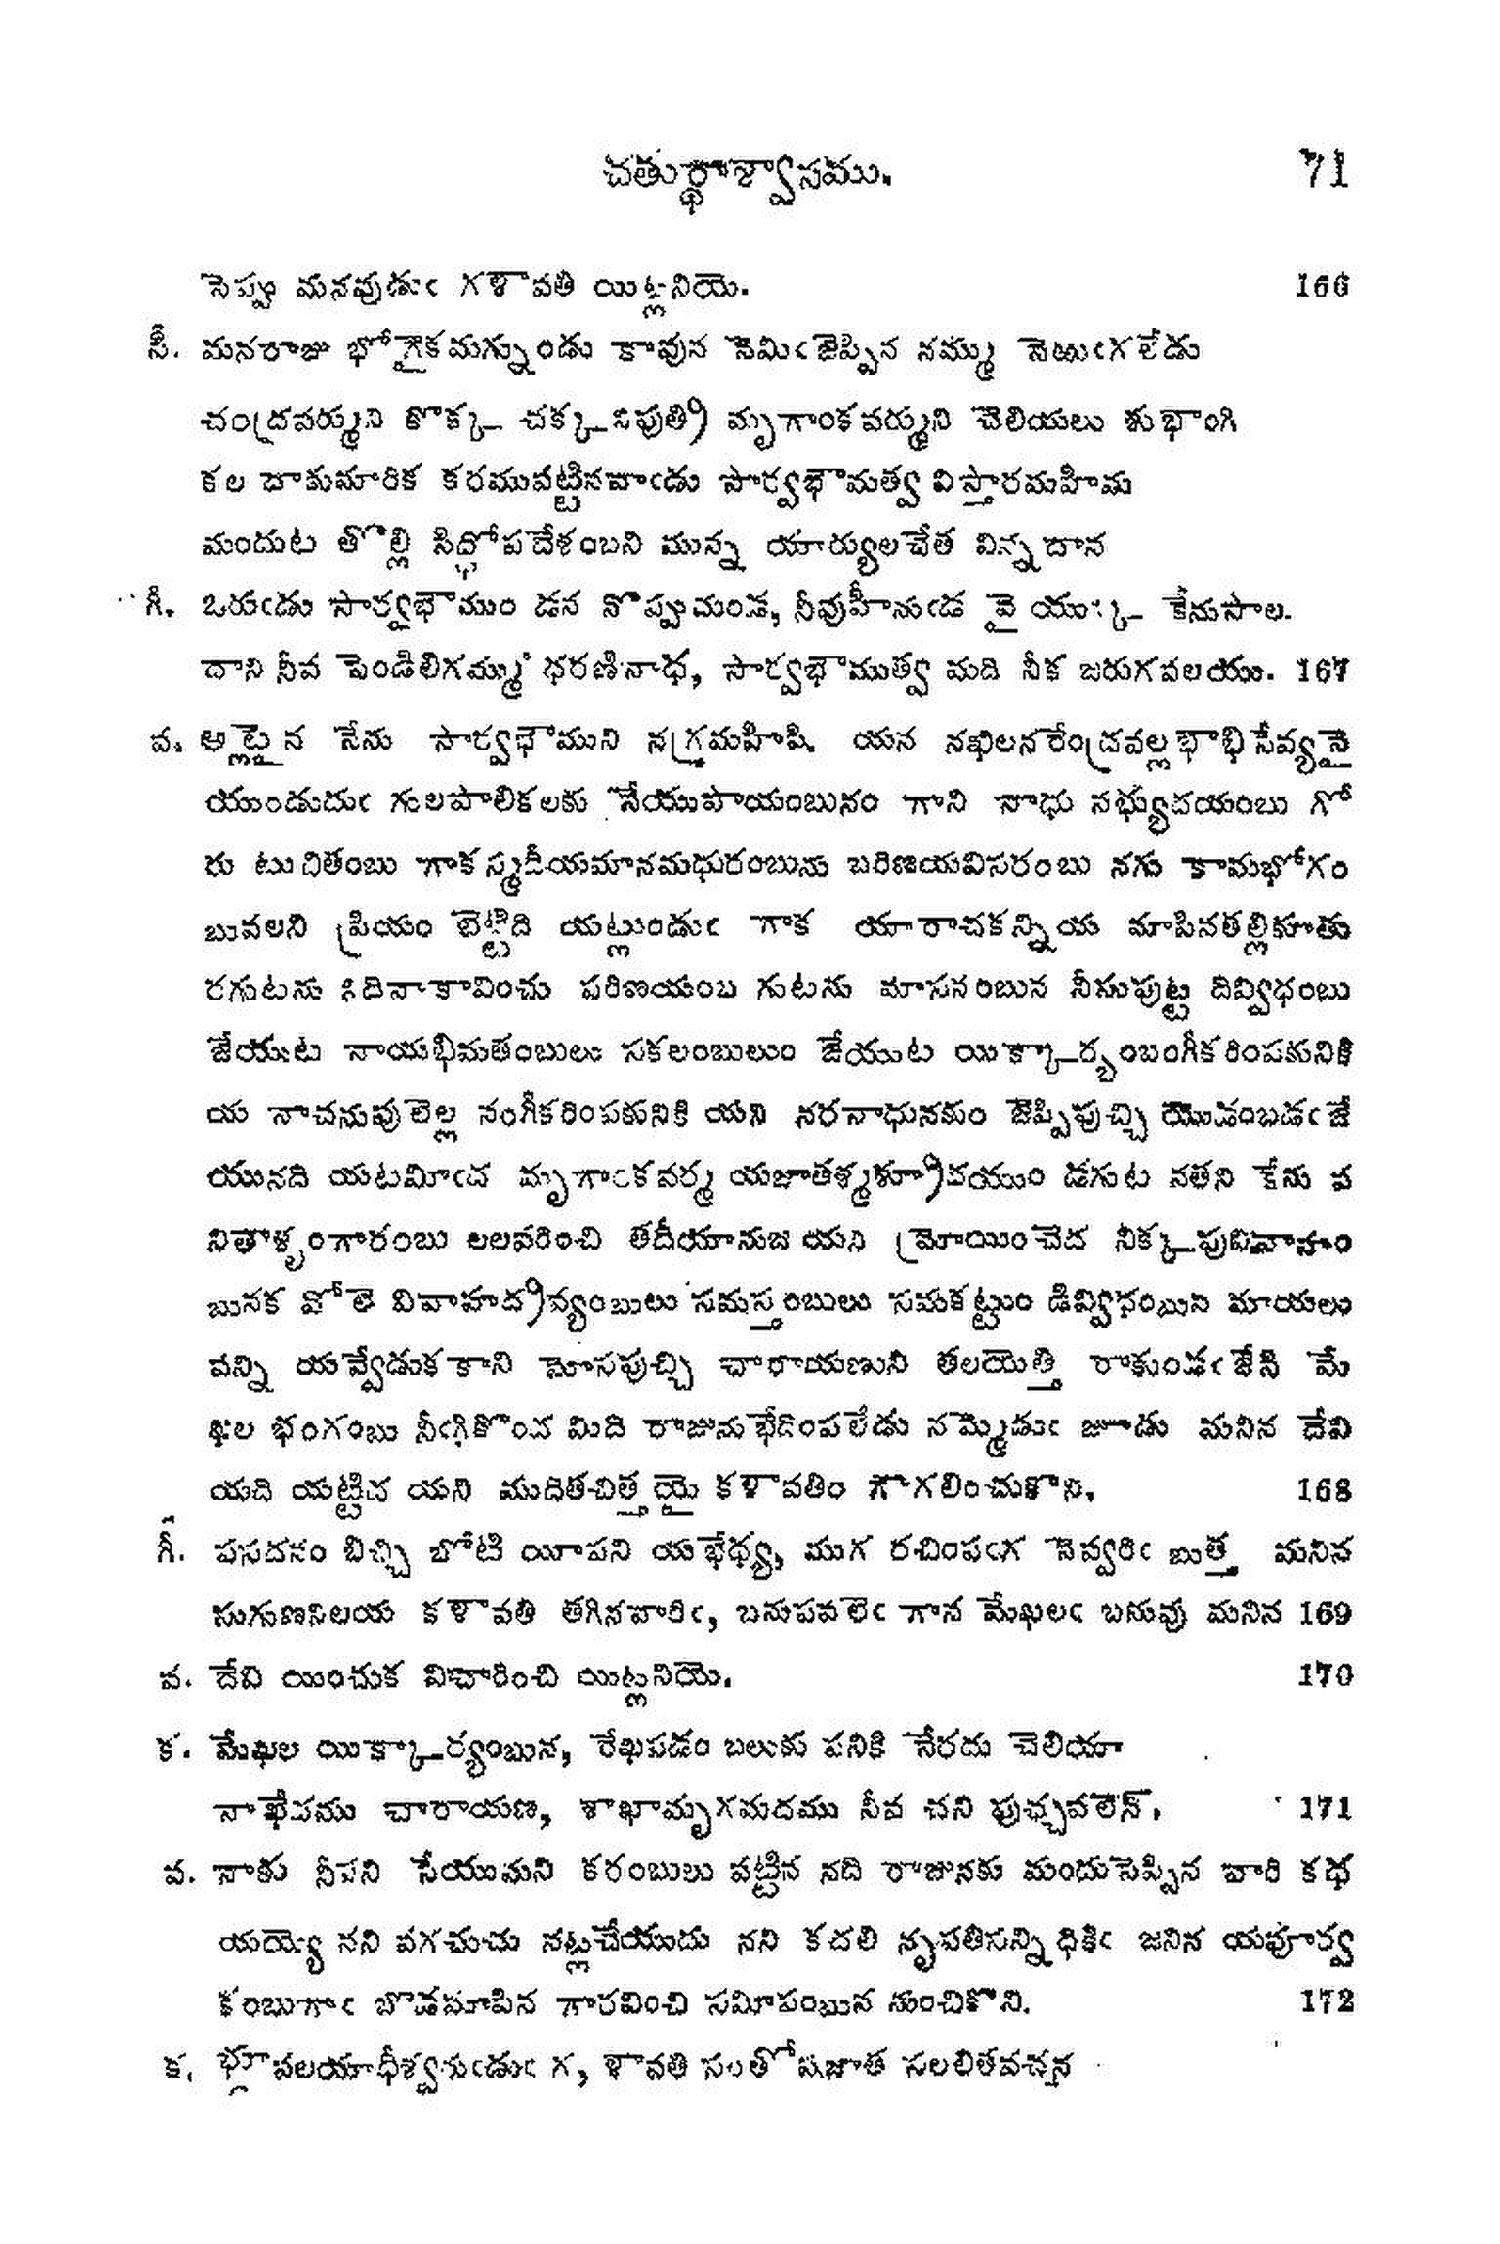సెప్పు మనవుడుఁ గళావతి యిట్లనియె.
సీ. మనరాజు భోగైకమగ్నుండు కావున నేమిఁ జెప్పిన నమ్ము నెఱుఁగలేఁడు
 చంద్రవర్ముని కొక్కచక్కని పుత్రి మృగాంకవర్ముని చెలియలు శుభాంగి
 కల దాకుమారిక కరముపట్టినవాఁడు సార్వభౌమత్వ విస్తారమహిమ
 మందుట తొల్లి సిద్ధోపదేశంబని మున్న యార్యులచేత విన్నదాన
గీ. ఒరుఁడు సార్వభౌముం డన నొప్పుచుండ, నీవు హీనుఁడ వై యున్కి కేను సాల
 దాని నీవ పెండిలిగమ్ము ధరణినాథ, సార్వభౌమత్వ మది నీక జరుగవలయు.
వ. అట్లైన నేను సార్వభౌముని నగ్రమహిషి యన నఖిలనరేంద్రవల్లభాభిసేవ్యనై
 యుండుదుఁ గులపాలికలకు నేయుపాయంబునం గాని నాథునభ్యుదయంబు గో
 రు టుచితంబు గాక న్మదీయమానమధురంబును బరిణయవిసరంబు నగు కామభోగం
 బువలని ప్రియం బెట్టిది యట్లుండుఁ గాక యా రాచకన్నియ మాపినతల్లి కూఁతు
 రగుటను నిది నా కావించుపరిణయం బగుటను మాసనంబున నీసు పుట్ట దివ్విధంబు
 జేయుట నాయభిమతంబులు సకలంబులుం జేయుట యిక్కార్యం బంగీకరింపకునికి
 య నాచనువు లెల్ల నంగీకరింపకునికి యని నరనాథునకుం జెప్పిపుచ్చి యొడంబడఁజే
 యునది యటమీఁచ మృగాంకవర్మ యజాతశ్మశ్రూదయుం డగుట నతని కేను వ
 నితాశృంగారంబు లలవరించి తదీయానుజ యని మ్రోయించెద నిక్కపువివాహం
 బునక వోలె వివాహద్రవ్యంబులు సమస్తంబులు సమకట్టుం డివ్విధంబున మాయలు
 పన్ని యవ్వేడుక కాని మోసపుచ్చి చారాయణుని తలయెత్తి రాకుండఁ జేసి మే
 ఖల భంగంబు నీఁగికొంద మిది రాజును భేదింపలేడు నమ్మెడుఁ జూడు మనిన దేవి
 యది యట్టిద యని ముదితచిత్తయై కళావతిం గౌఁగలించుకొని.
గీ. పసదసం బిచ్చి బోటి యీపని యభేధ్య, ముగ రచింపఁగ నెవ్వరిఁ బుత్త మనిన
 సుగుణనిలయ కళావతి తగినవారిఁ, బనుపవలెఁ గాన మేఖలఁ బనుపు మనిన.
వ. దేవి యించుక విచారించి యిట్లనియె.
క. మేఖల యిక్కార్యంబున, రేఖపడం బలుకు పనికి నేరదు చెలియా
 నాఖేదము చారాయణ, శాఖామృగమదము సేవ చని పుచ్చవలెన్.
వ. నాకు నీపని సేయుమని కరంబులు పట్టిన నది రాజునకు మందుసెప్పిన వారి కథ
 యయ్యె నని వగచుచు నట్లచేయుదు నని కదలి నృపతిసన్నిధికిఁ జనిన యపూర్వ
 కంబుగాఁ బొడసూపిన గౌరవించి సమీపంబున నుంచికొని.
క. భూవలయాధీశ్వరుఁడుఁ గ, ళావతి సంతోషజాతసలలితవచన